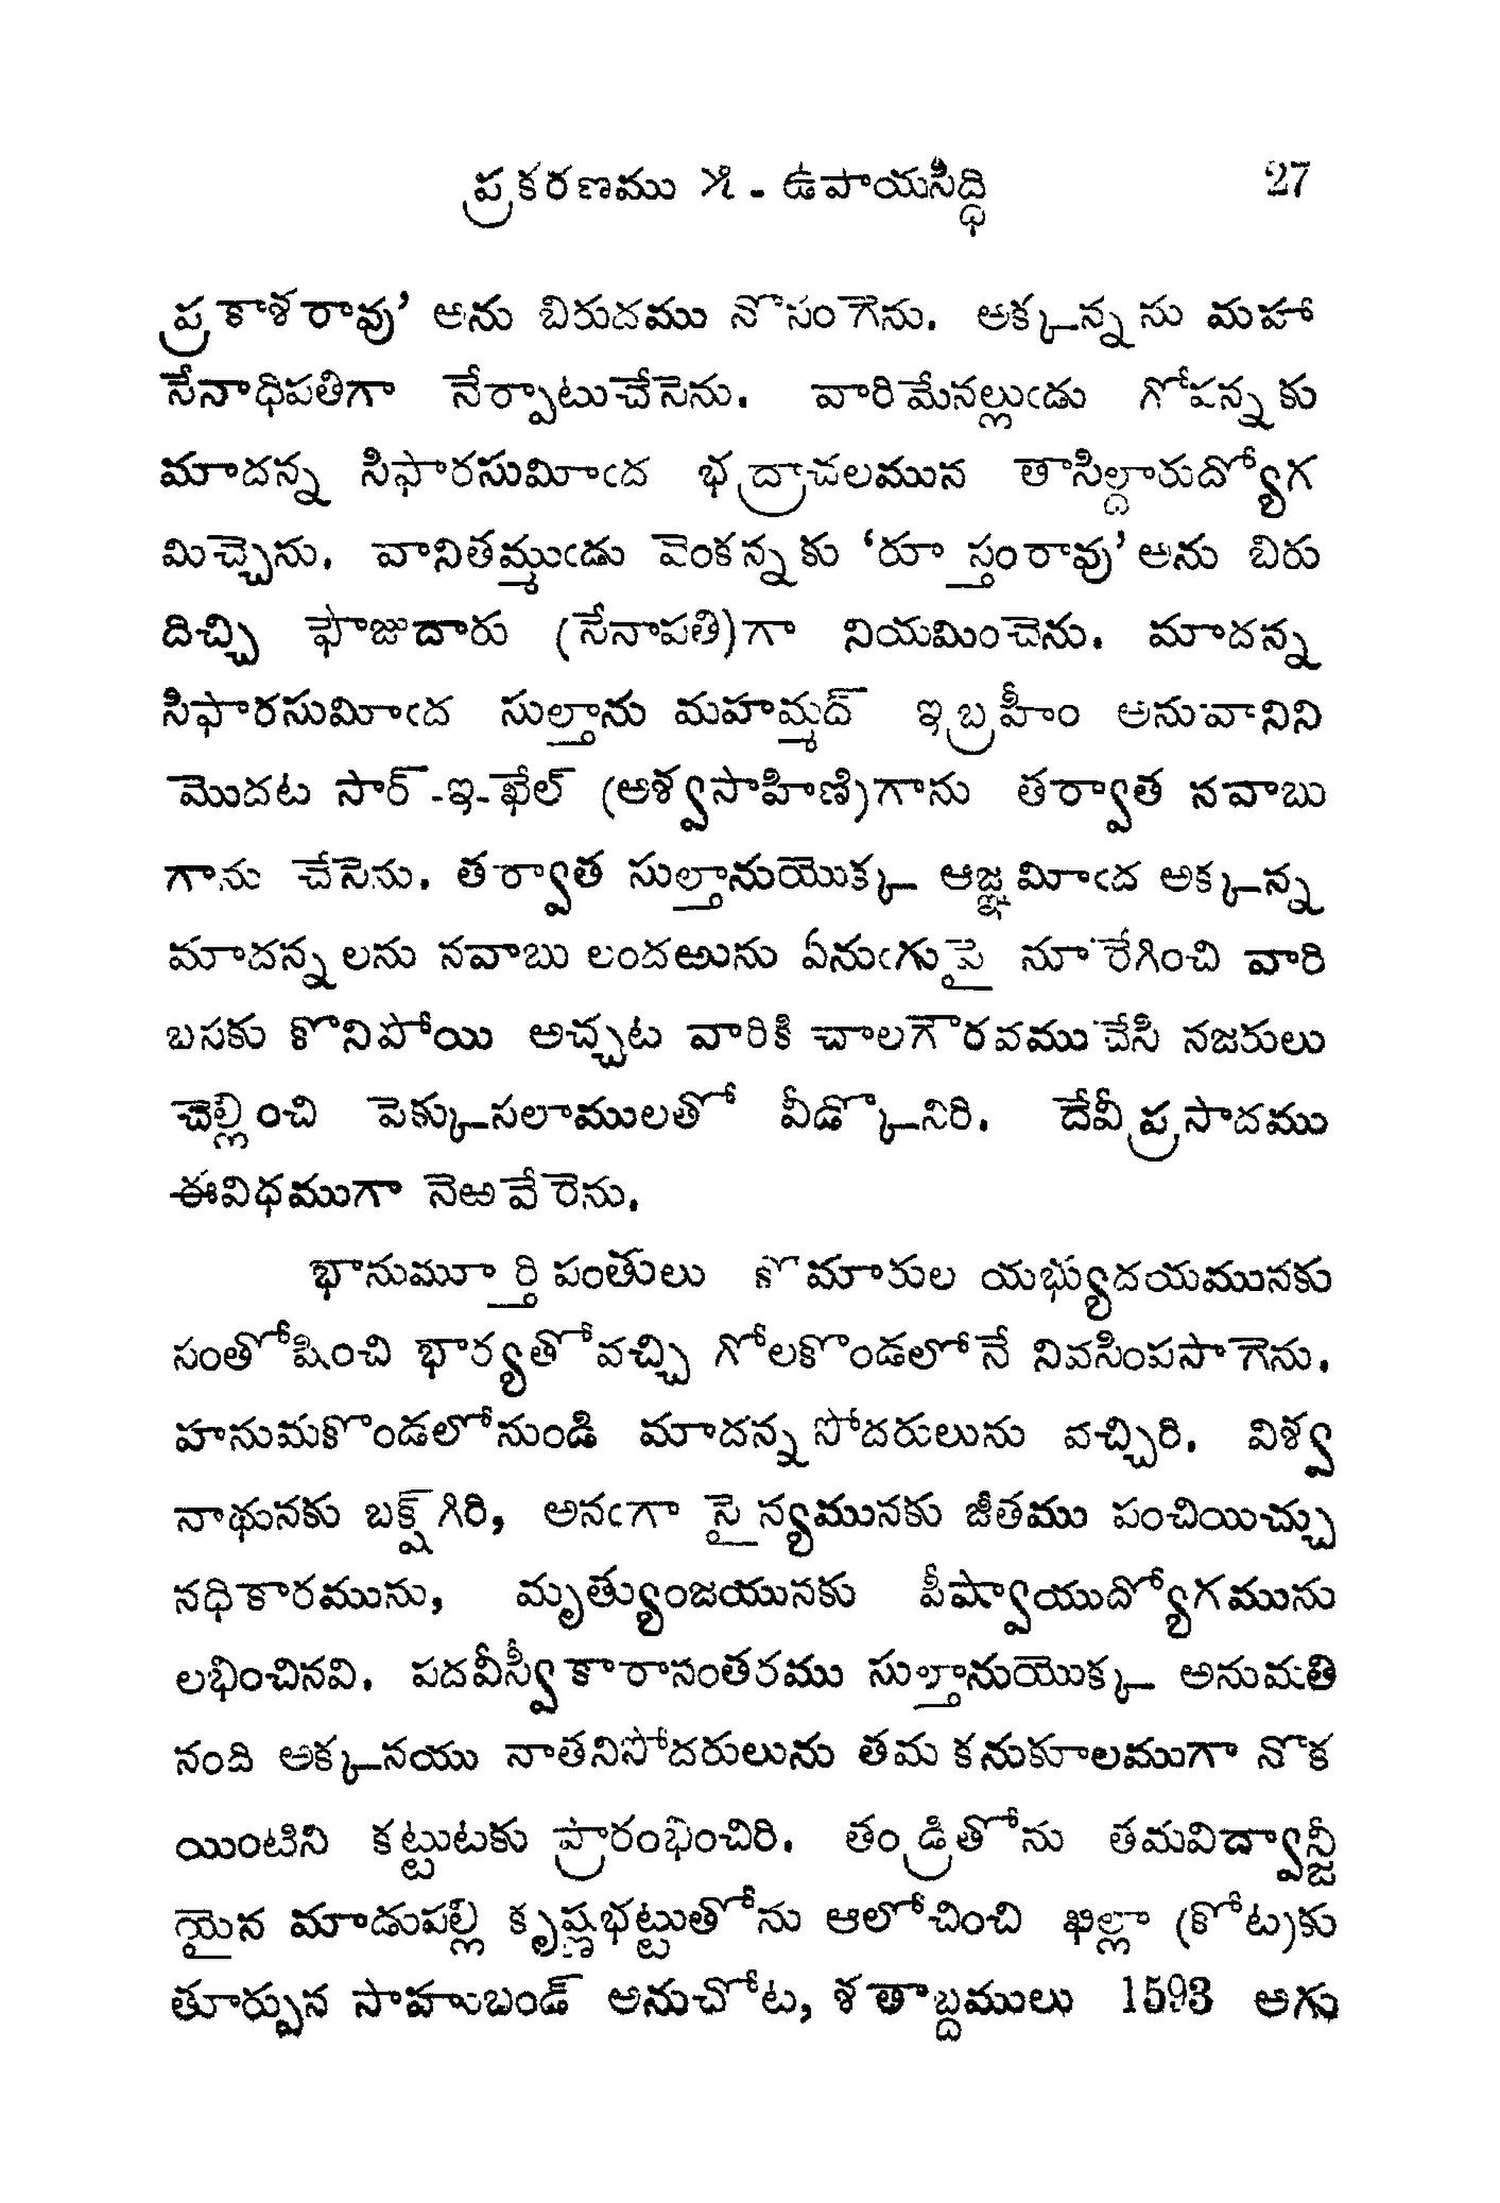ప్రకాశరావు’ అను బిరుదము నొసంగెను. అక్కన్నను మహాసేనాధిపతిగా నేర్పాటుచేసెను. వారిమేనల్లుఁడు గోపన్నకు మాదన్న సిఫారసుమీఁద భద్రాచలమున తాసిల్దారుద్యోగ మిచ్చెను. వానితమ్ముఁడు వెంకన్నకు ‘రూస్తంరావు’ అను బిరుదిచ్చి ఫౌజుదారు (సేనాపతి)గా నియమించెను. మాదన్న సిఫారసుమీఁద సుల్తాను మహమ్మద్ ఇబ్రహీం అనువానిని మొదట సార్-ఇ-ఖేల్ (అశ్వసాహిణి)గాను తర్వాత నవాబుగాను చేసెను. తర్వాత సుల్తానుయొక్క ఆజ్ఞమీఁద అక్కన్న మాదన్నలను నవాబు లందఱును ఏనుఁగుపై నూరేగించి వారి బసకు కొనిపోయి అచ్చట వారికి చాలగౌరవముచేసి నజరులు చెల్లించి పెక్కుసలాములతో వీడ్కొనిరి. దేవీప్రసాదము ఈవిధముగా నెఱవేరెను.

భానుమూర్తిపంతులు కొమారుల యభ్యుదయమునకు సంతోషించి భార్యతోవచ్చి గోలకొండలోనే నివసింపసాగెను. హనుమకొండలోనుండి మాదన్నసోదరులును వచ్చిరి. విశ్వనాథునకు బక్ష్‌గిరి, అనఁగా సైన్యమునకు జీతము పంచియిచ్చు నధికారమును, మృత్యుంజయునకు పీష్వాయుద్యోగమును లభించినవి. పదవీస్వీకారానంతరము సుల్తానుయొక్క అనుమతి నంది అక్కనయు నాతనిసోదరులును తమ కనుకూలముగా నొక యింటిని కట్టుటకు ప్రారంభించిరి. తండ్రితోను తమవిద్వాన్జీ యైన మాడుపల్లి కృష్ణభట్టుతోను ఆలోచించి ఖిల్లా (కోట)కు తూర్పున సాహుబండ్ అనుచోట, శతాబ్దములు 1593 అగు